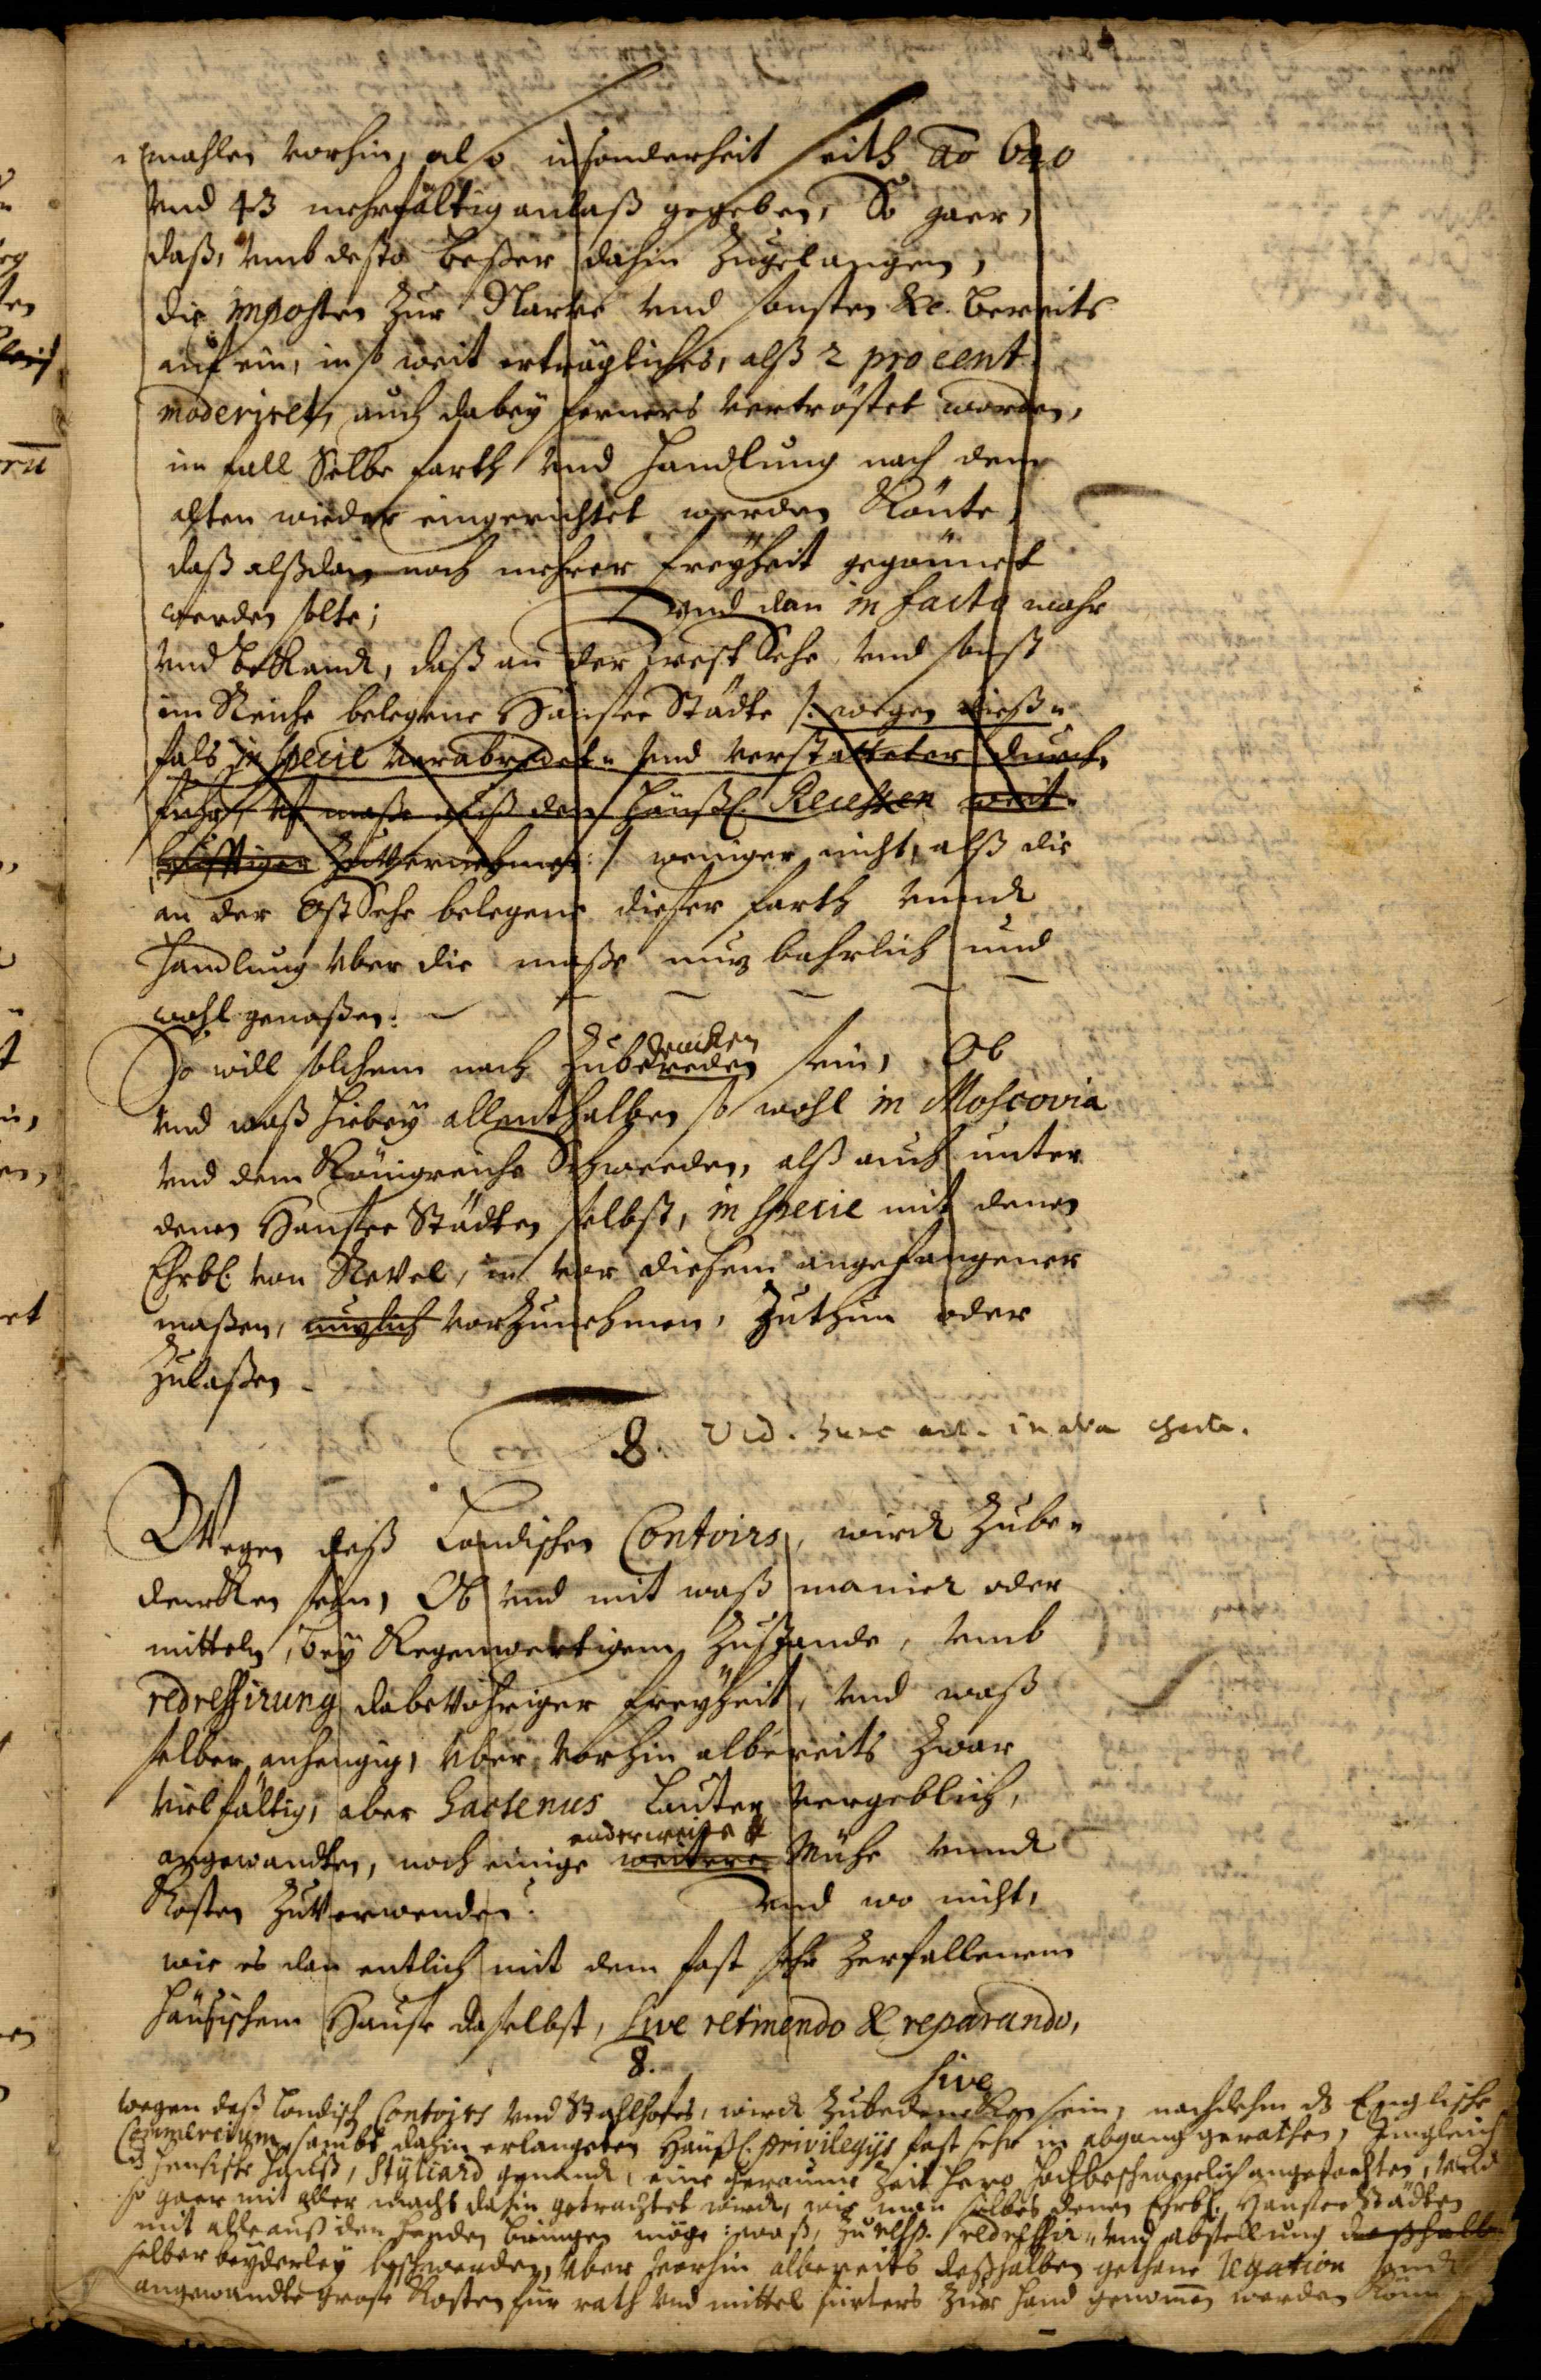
mahlen wohin, also insonderheit seith anno 640
vnd 43 mehrfältig anlaß gegeben, So gaer,
daß, vmb desto beßer dahin zugelangen,
die imposten zur Narve vnd sonsten &c. bereits
auf ein, in so weit erträgliches, alß 2 procent
moderiret, auch dabeij ferners vertröstet worden,
im fall Selbe farth vnd handlung nach dem
alten wieder eingerichtet werden könte,
daß alßdemnach mehrer freijheit gegönnet
werden solte; Vnd dan in facto wahr
vnd bekandt, daß an der west Sehe vnd sonst
im Reiche belegene Hansee Städte /: so wegen dieß¬
fals in specie verabredet sind verstatteter durch¬
fuhr, vf maße waß den hänß. Recessen weit
heuffiger zuvernehmen :/ weniger nicht, alß die
an der Ost Sehe belegene dieser farth vnndt
handlung vber die maße nutz bahrlich und
wohl genoßen.
So will solchem nach zuberedendencken sein, Ob
vnd waß hiebeij allenthalben so wohl in Moscovia
vnd dem Königreiche Schweeden, alß auch unter
denen Hansee Städten selbst, in specie mit denen
Ehrb. von Revel, in vor diesem angefangener
maßen, nutzlich vorzunehmen, zuthun oder
zulaßen.
Vid. huic acta in alia genta.
8.
Wegen deß Londischen Contoirs, wirdt zube¬
dencken sein, Ob vnd mit waß manier oder
mitteln, beij kegenwertigem zustande, vmb
redressirung dabevohriger freijheit, vnd waß
selber anhengig, vber vorhin albereits zwar
vielfältig, aber hactenus Lauter vergeblich,
angewandte, noch einige anderweite weitere Mühe vnndt
Kosten zuverwenden. Vnd wo nicht,
wie es dan entlich mit dem fast sehr zerfallenem
hänsischem Hause daselbst, sive retinendo & reparando,
8
sive
wegen deß londischen Contoirs vnd Stahlhofes, wird zubedencken sein, nachdehm das Englische
commercium sambt dahin erlangeten Häußl. privilegijs fast sehr in abgang gerathen, Imgleich
das hansische Hauß, Stijliard genandt, eine geraume Zeit hero hochbeschwerlich angefochten, vnd
so gaer mit aller macht dahin getrachtet wird, wie man selbes denen Ehrb. Hansee Städten
mit alle auß dem henden bringen möge, waß, zu rehß. redressir- vnd abstellung deßhalb
selber beijderlij beschwerden vber vorhin albereits deßhalben gethane legation vndt
angewandte große Kosten für rath vnd mittel fürters zuer hand genommen werden können
